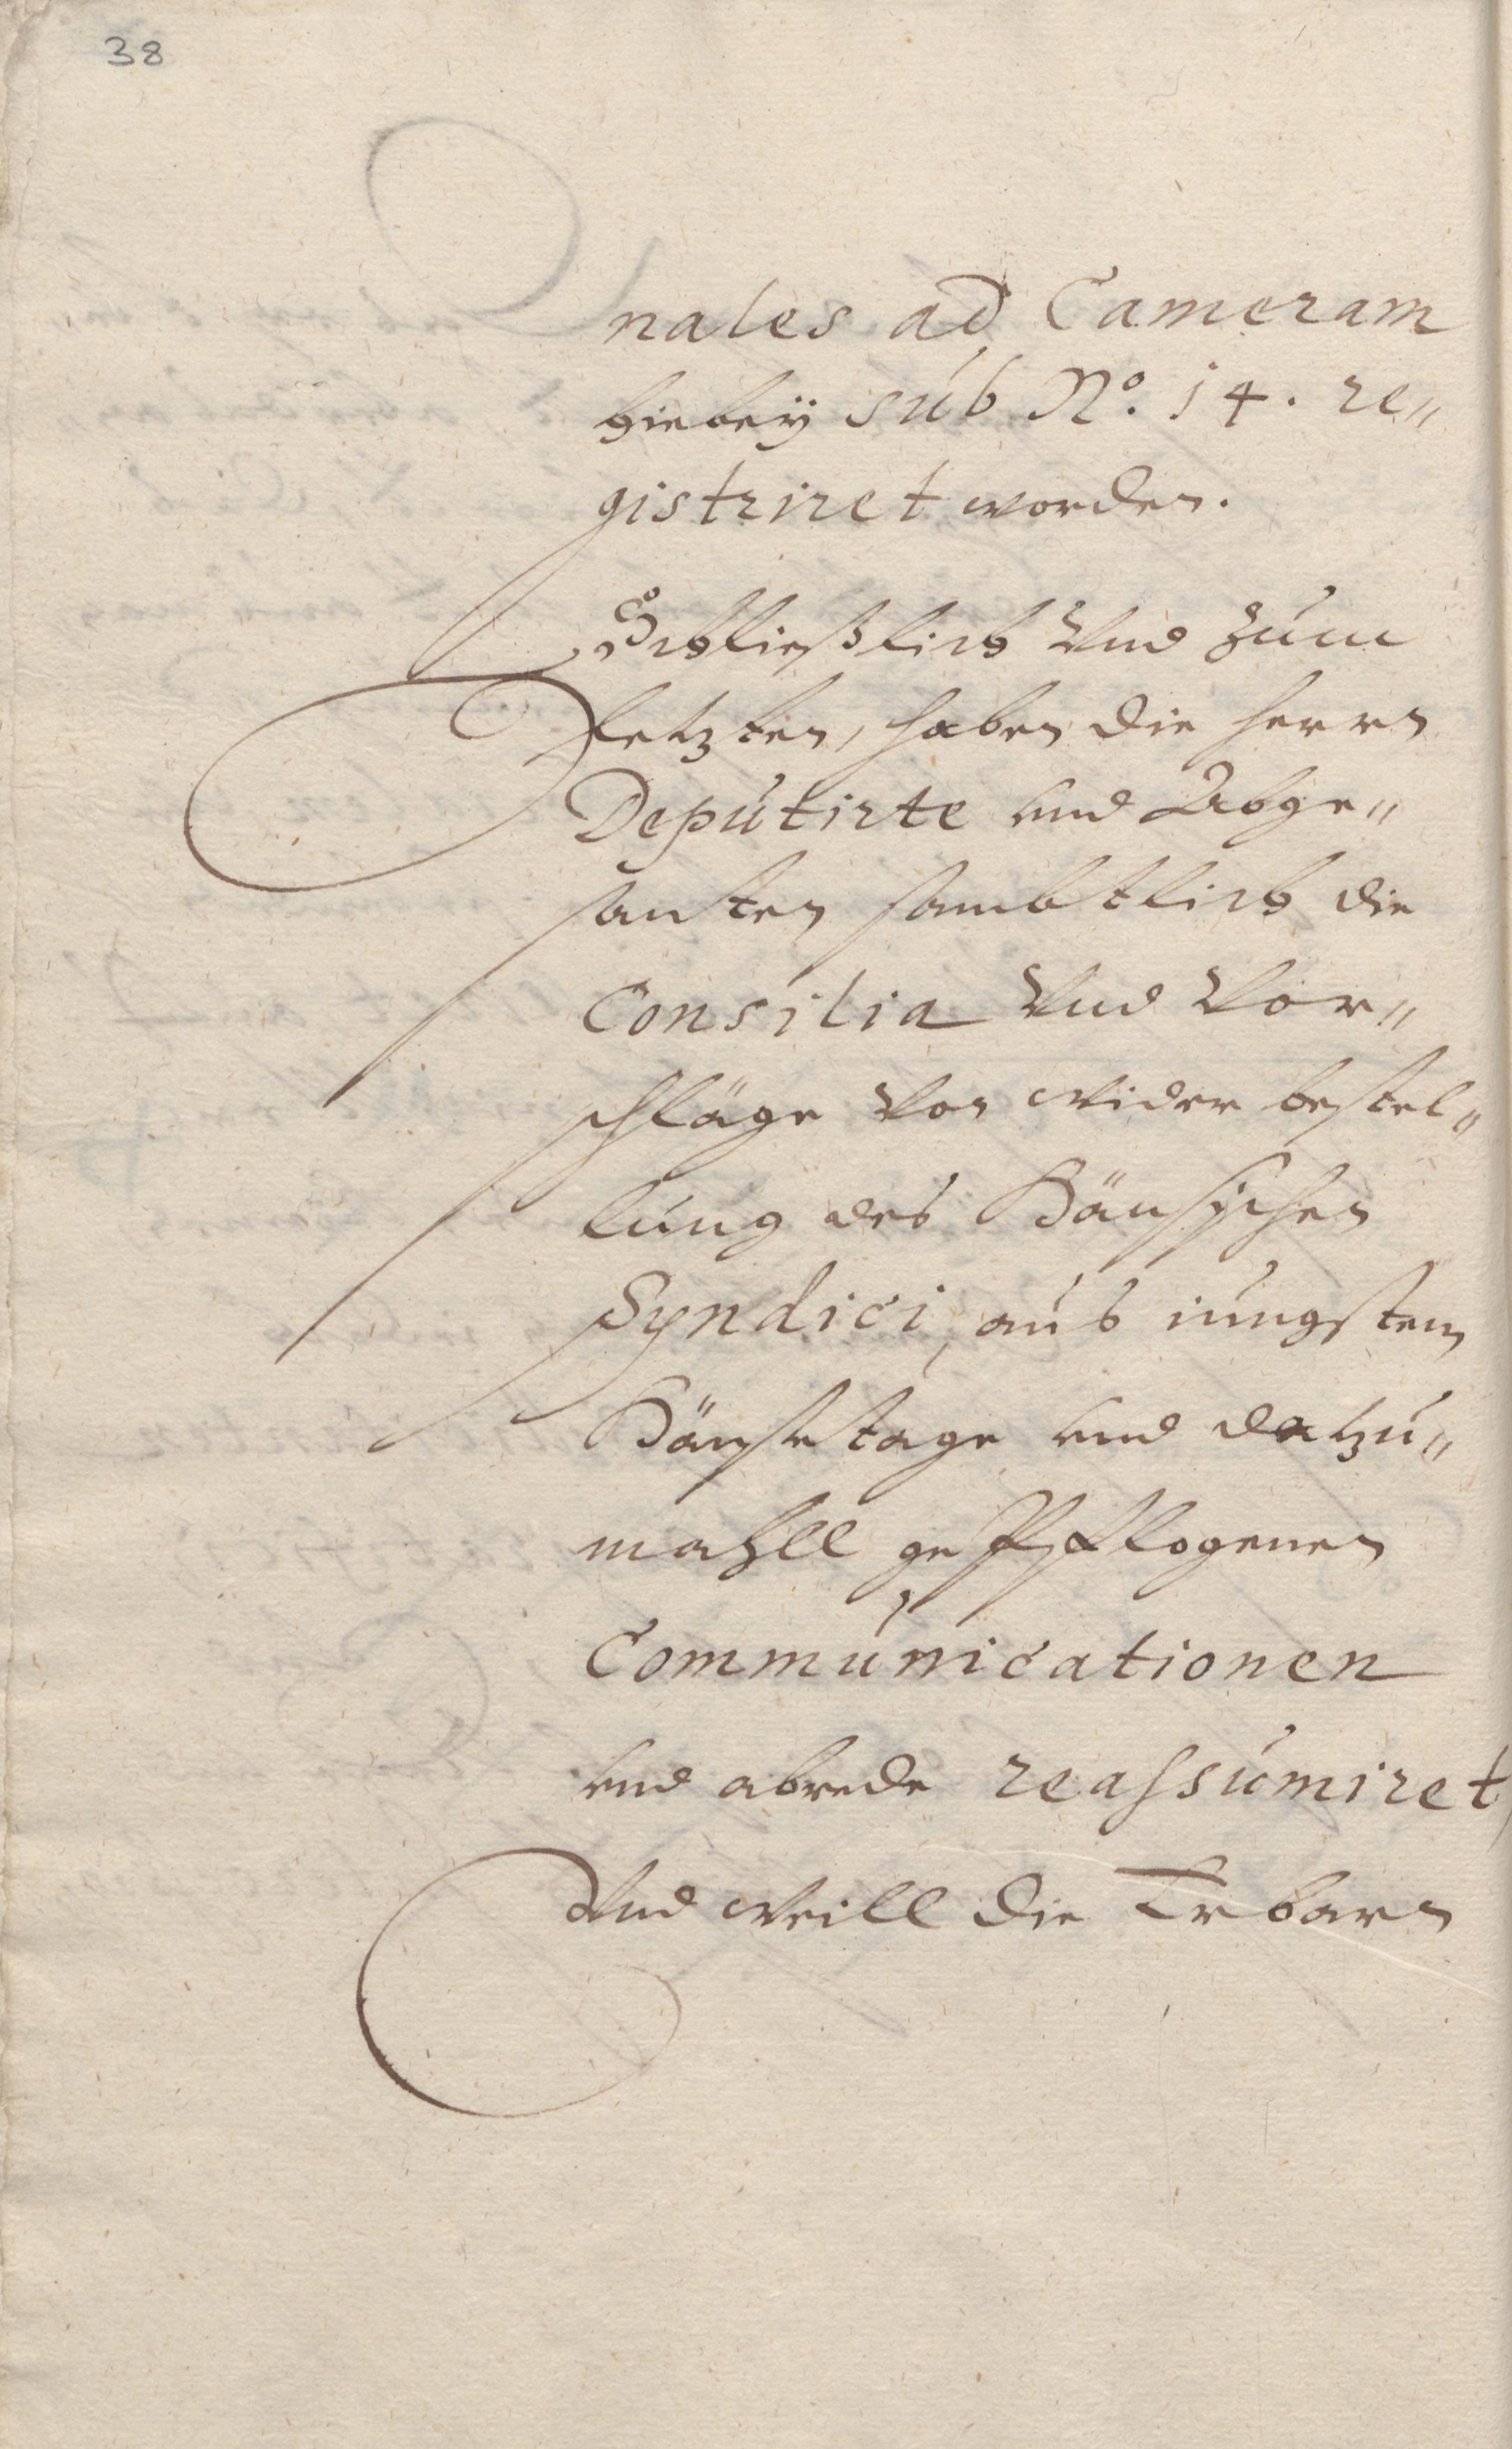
nales ad Cameram
hiebeij sub No. 14. re¬
gistriret worden.
Schließlich vnd zum
letzten, haben die herrn
Deputirte vnd Abge¬
santen sambtlich die
Consilia vnd vor¬
schläge von wider bestel¬
lung des Hänsichen
Syndici, aus iungstem
Hansetage vnd datzu¬
mahll gepflogenen
communicationen
vnd abrede reassumiret,
Vnd weill die Erbarn
